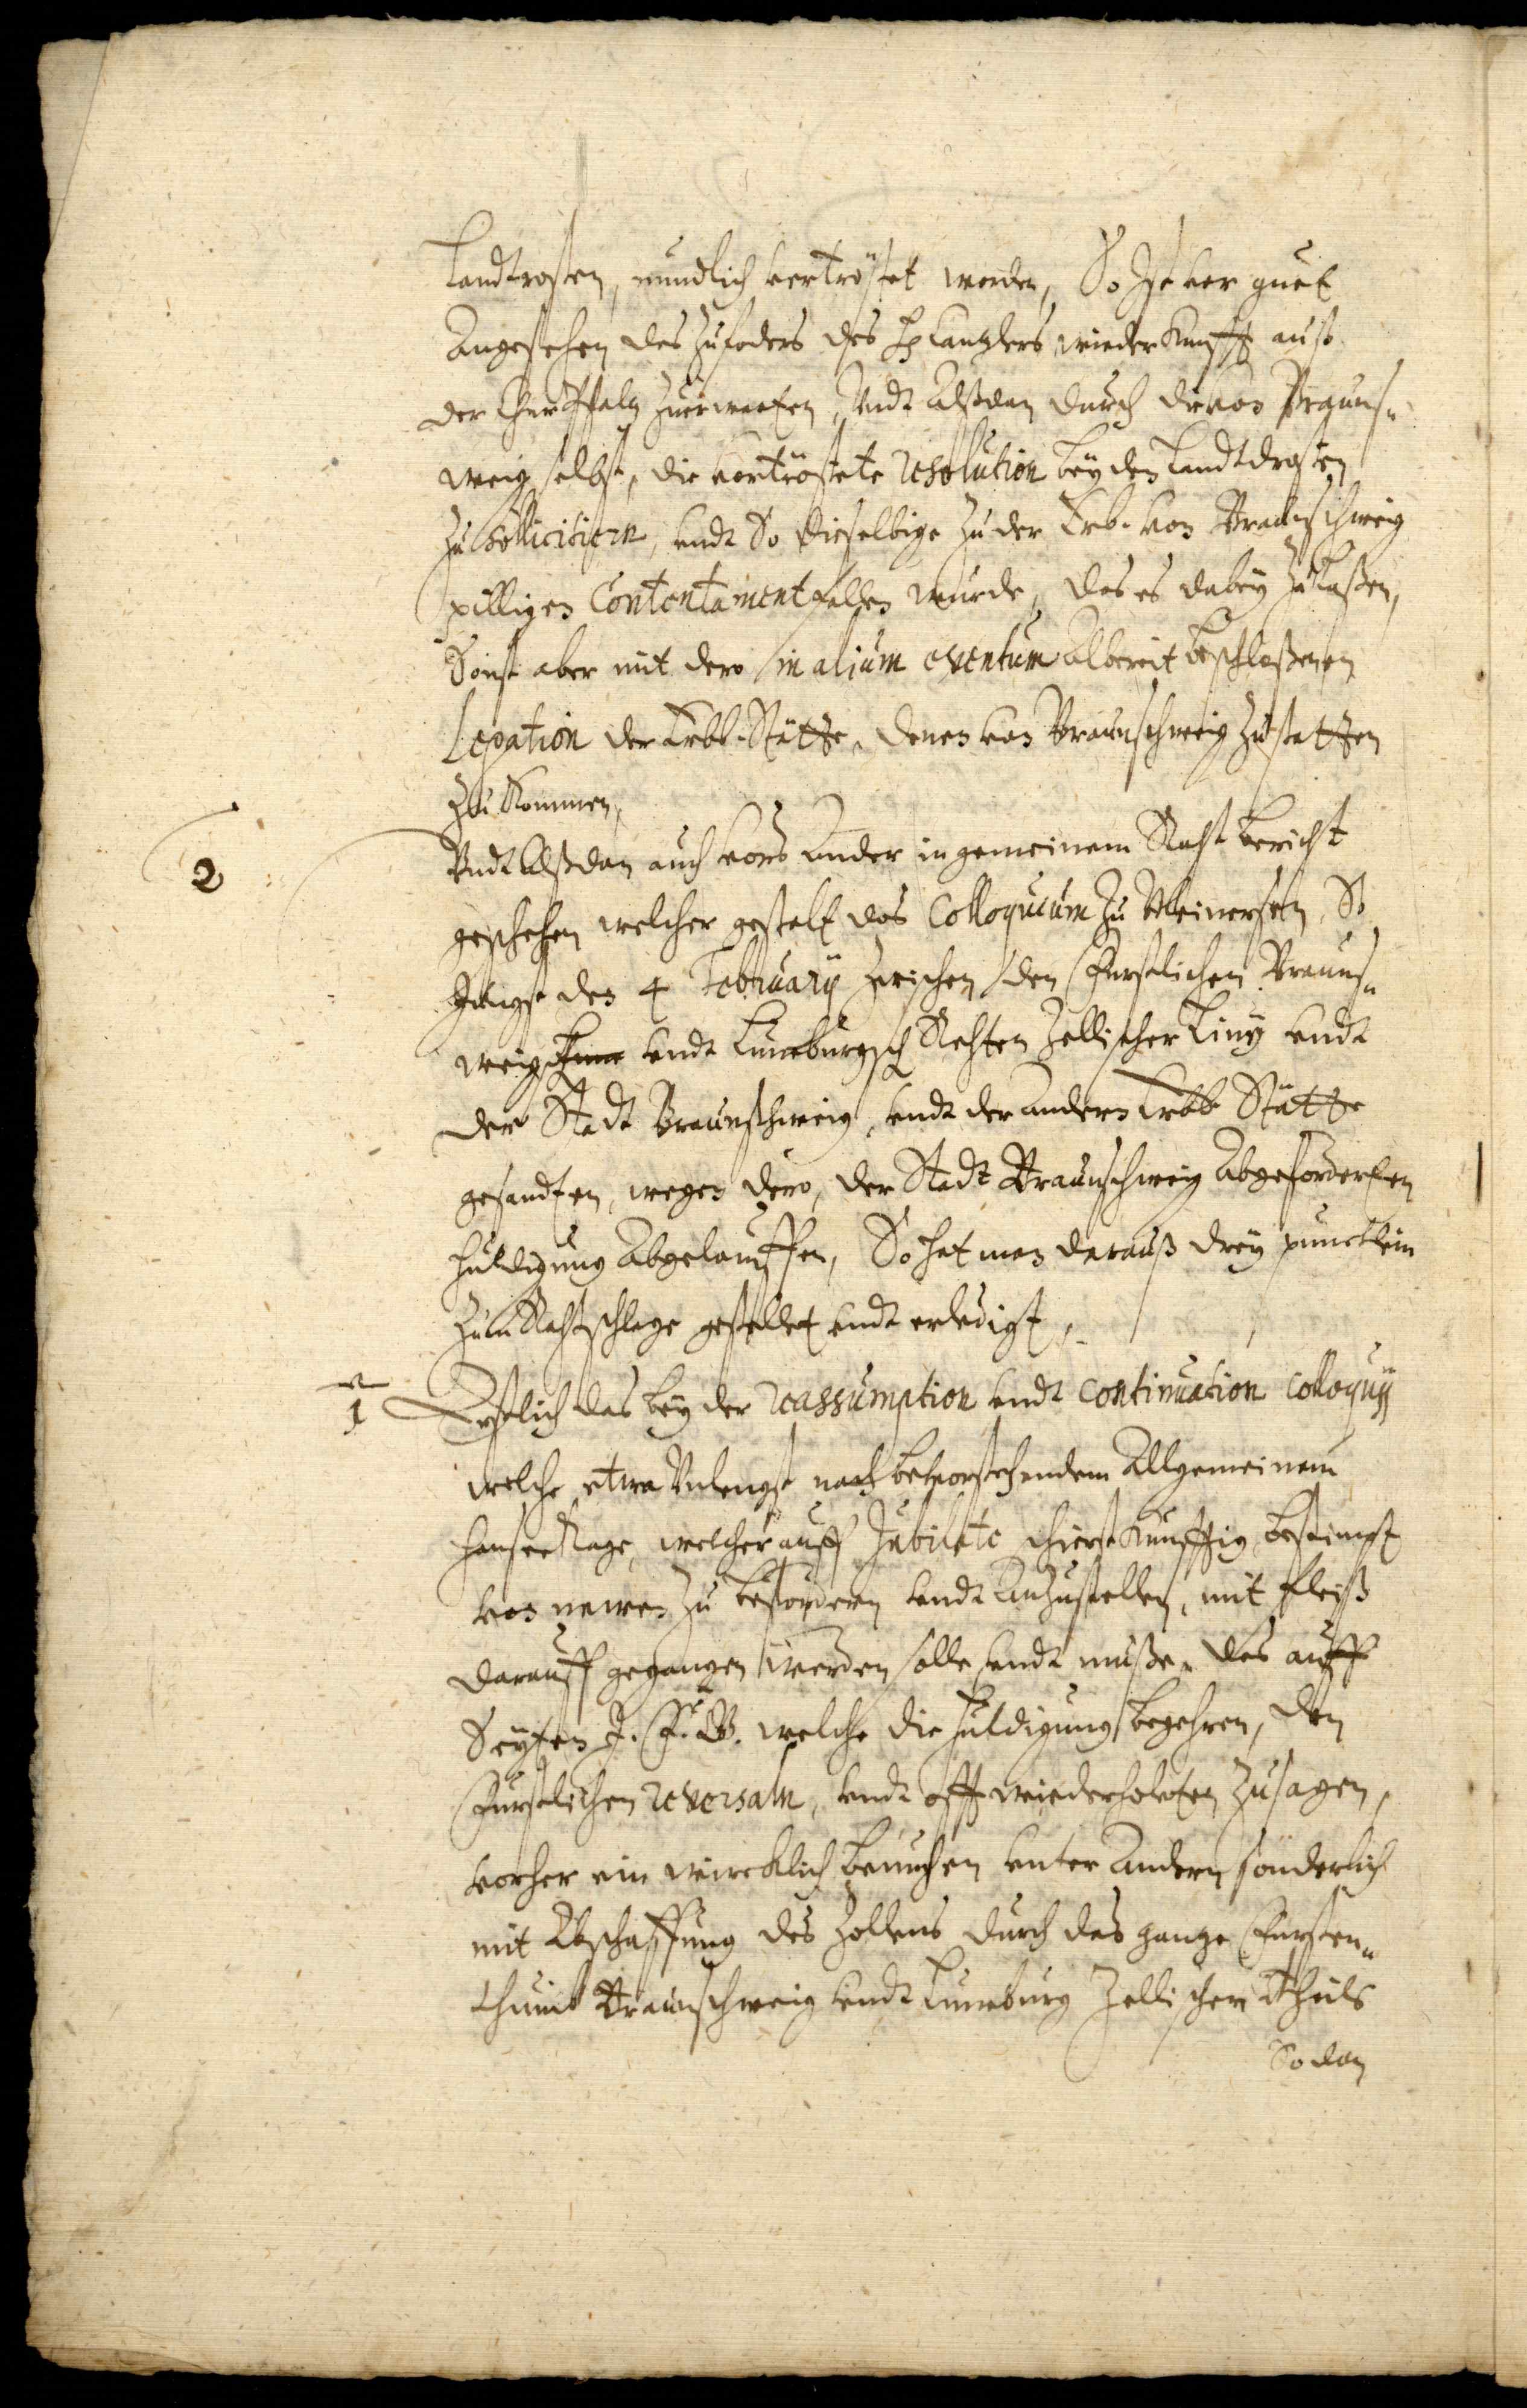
Landtrosten, mundlich vertröstet worden, So Ist vor guet
Angesehen des zufoders des h. Cantzlers wiederkunfft auß
der Churpfaltz zuerwarten, Vndt Alßdan durch die von Brauns¬
weig selbst, die vortröstete resolution beij den Landtdrosten
zu sollicitiern, vndt So dieselbige zu der Erb. von Braunschweig
pilligen Contentament fallen wurde, das es dabeij zulaßen,
Sonst aber mit dero in alium eventum Albereit beschloßenen
Legation der Erbb. Stätte, denen von Braunschweig zustatten
zu kommen,
Vndt Alßdan auch vors Ander in gemeinem Raht bericht
geschehen welcher gestalt das Colloquium zu Meinersen, So
Jungst den 4 Februarij zwischen den Furstlichen Brauns¬
weigschenenn vndt Luneburgschen Rehten Zellischer Linij vndt
der Stadt Braunschweig, vndt der Andern Erbb. Stätte
gesandten, wegen dero, der Stadt Braunschweig Abgeforderten
huldigung Abgelauffen, So hat man darauß dreij punctlein
zum Rahtschlage gestellet vndt erledigt,
Erstlich das beij der reassumption vndt continuation colloqujj
welche etwa vnlengst nach bevorstehendem Allgemeinem
hanseeTage, welcher auff Jubilate schierst kunfftig bestimpt
von newen zu befordern vndt Anzustellen, mit fleiß
darauff gegangen werden solle vndt muße, das auff
Seijten I. F. G. welche die huldigung begehren, den
Furstlichen reversaln, vndt offt wiederholeten zusagen,
vorher ein wircklich bemuhen vnter Andern sonderlich
mit Abschaffung des zollens durch des gantze Fursten¬
thumb Braunschweig vndt Luneburg Zellischem Theils
So dan
2
1
